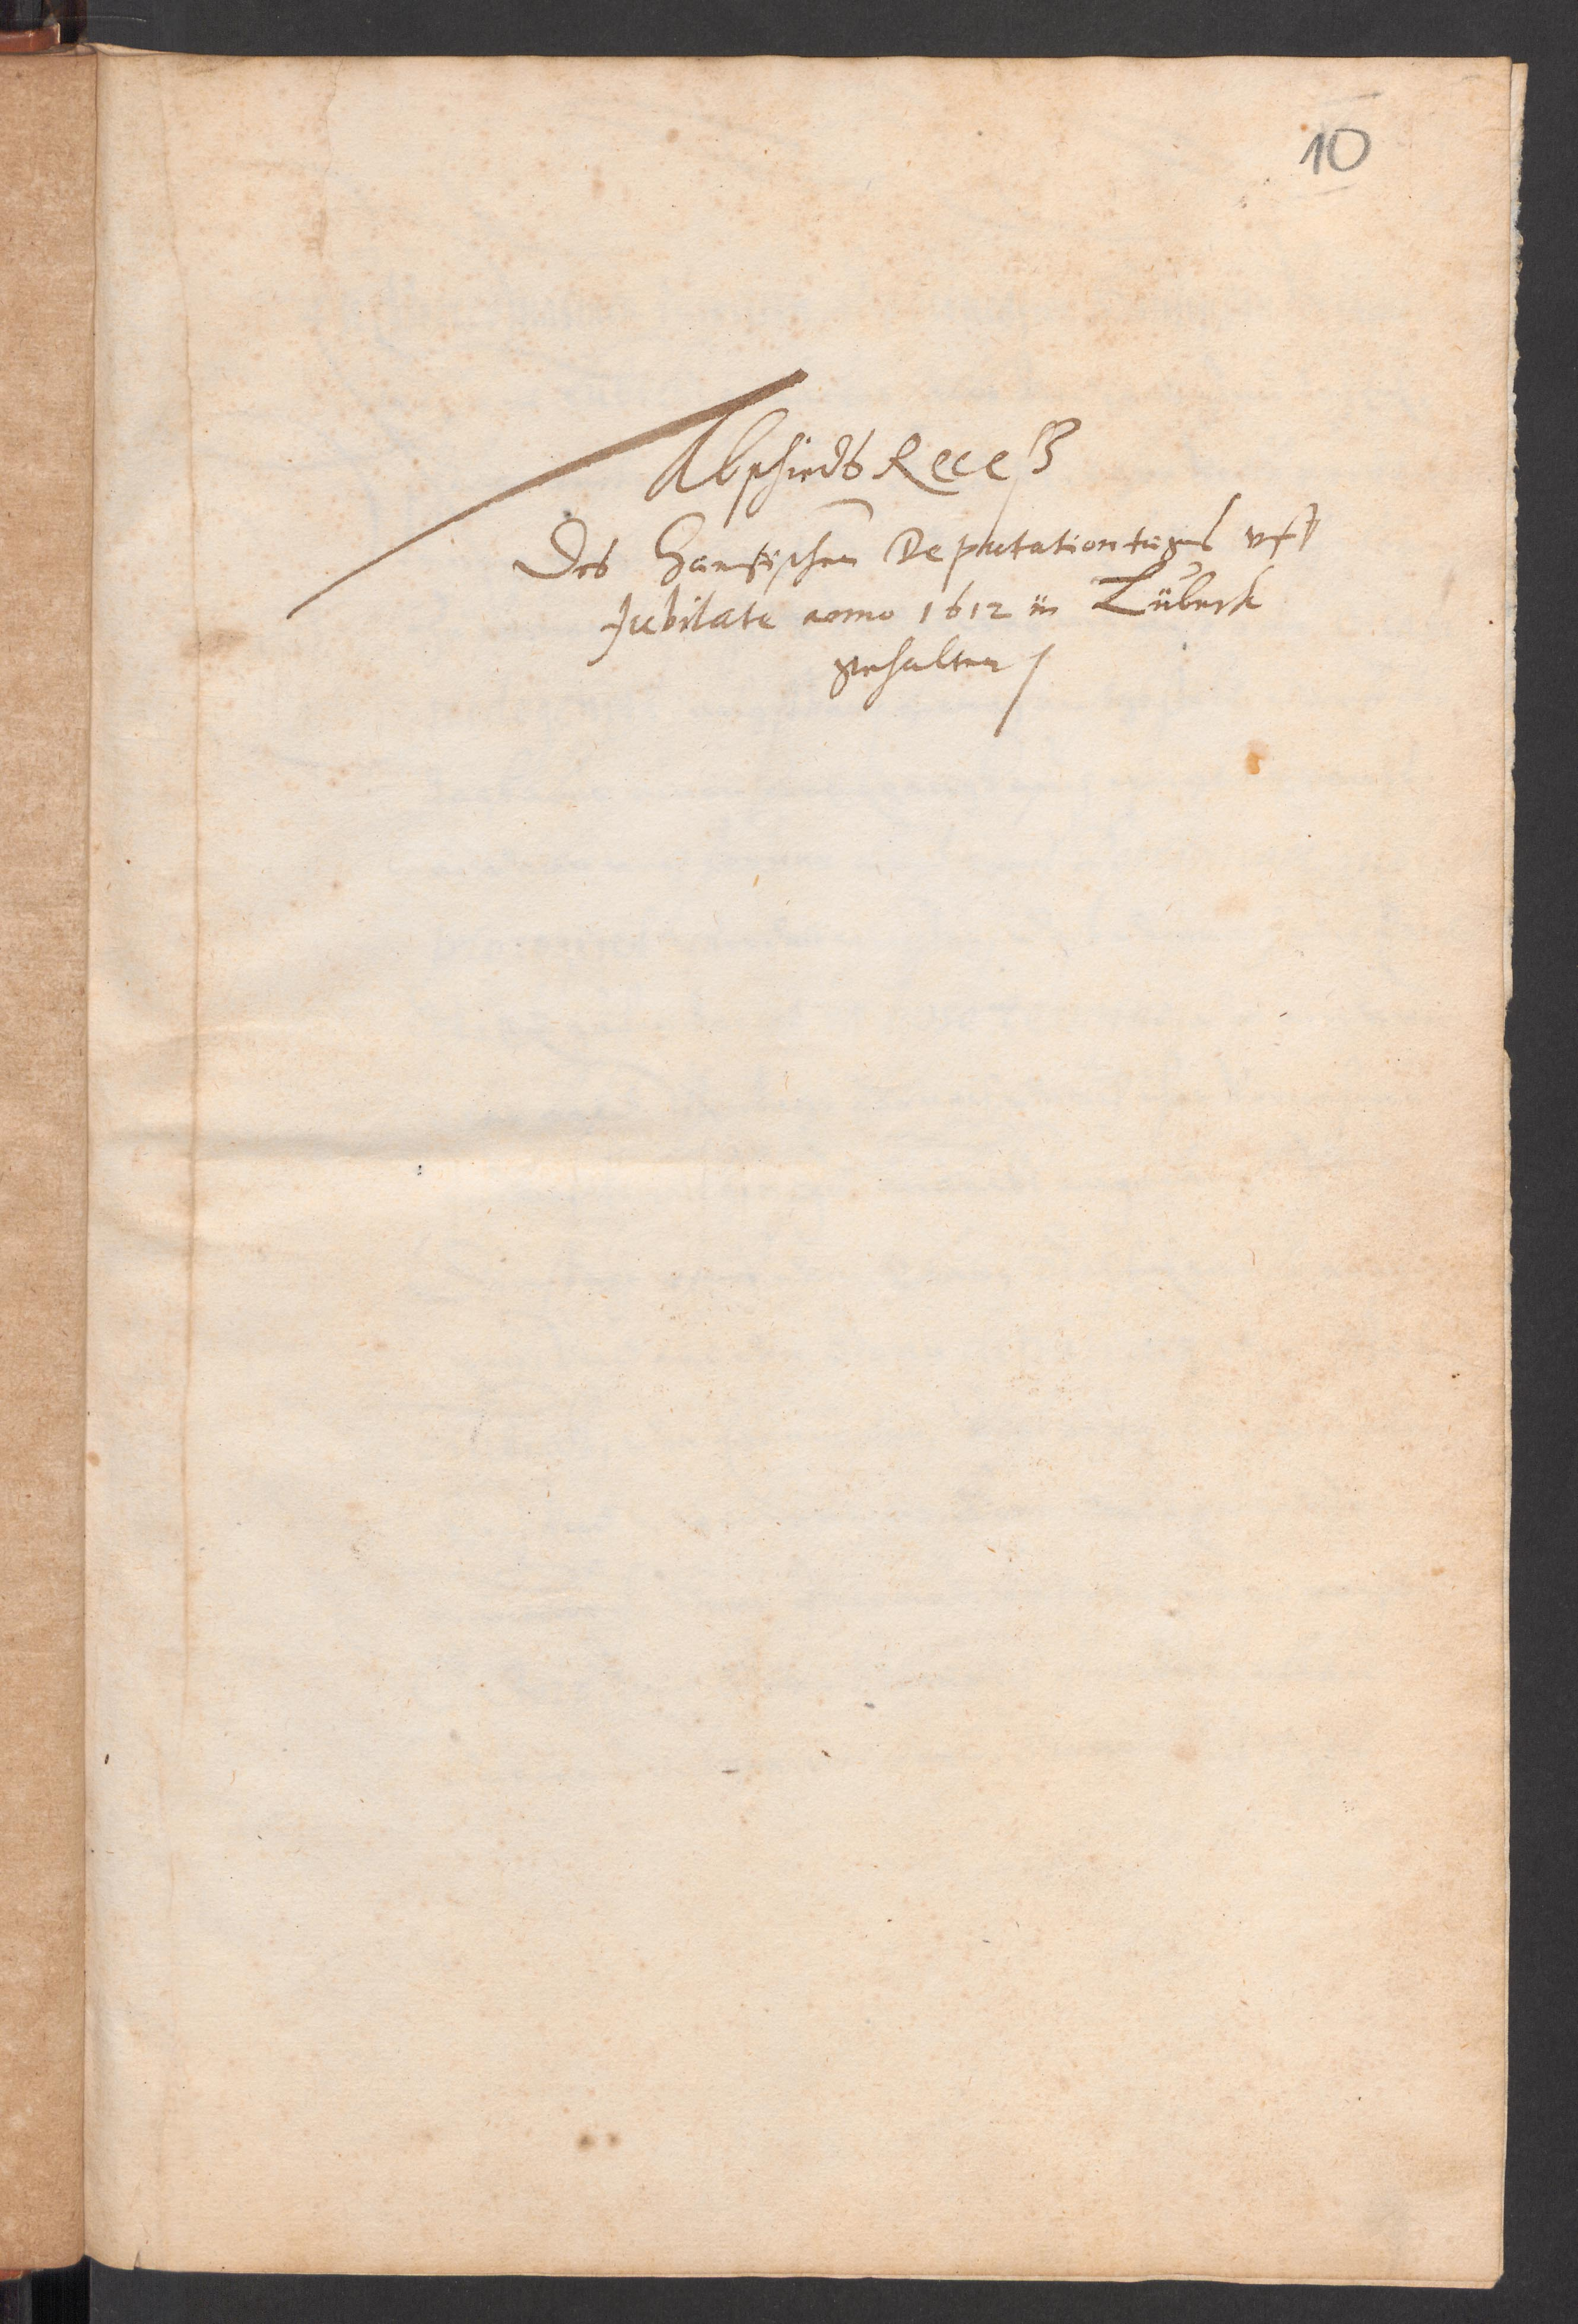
Abschieds Receß
des Hanßischen Deputationstages vff
Jubilate anno 1612 iin Lübeck
gehalten /
